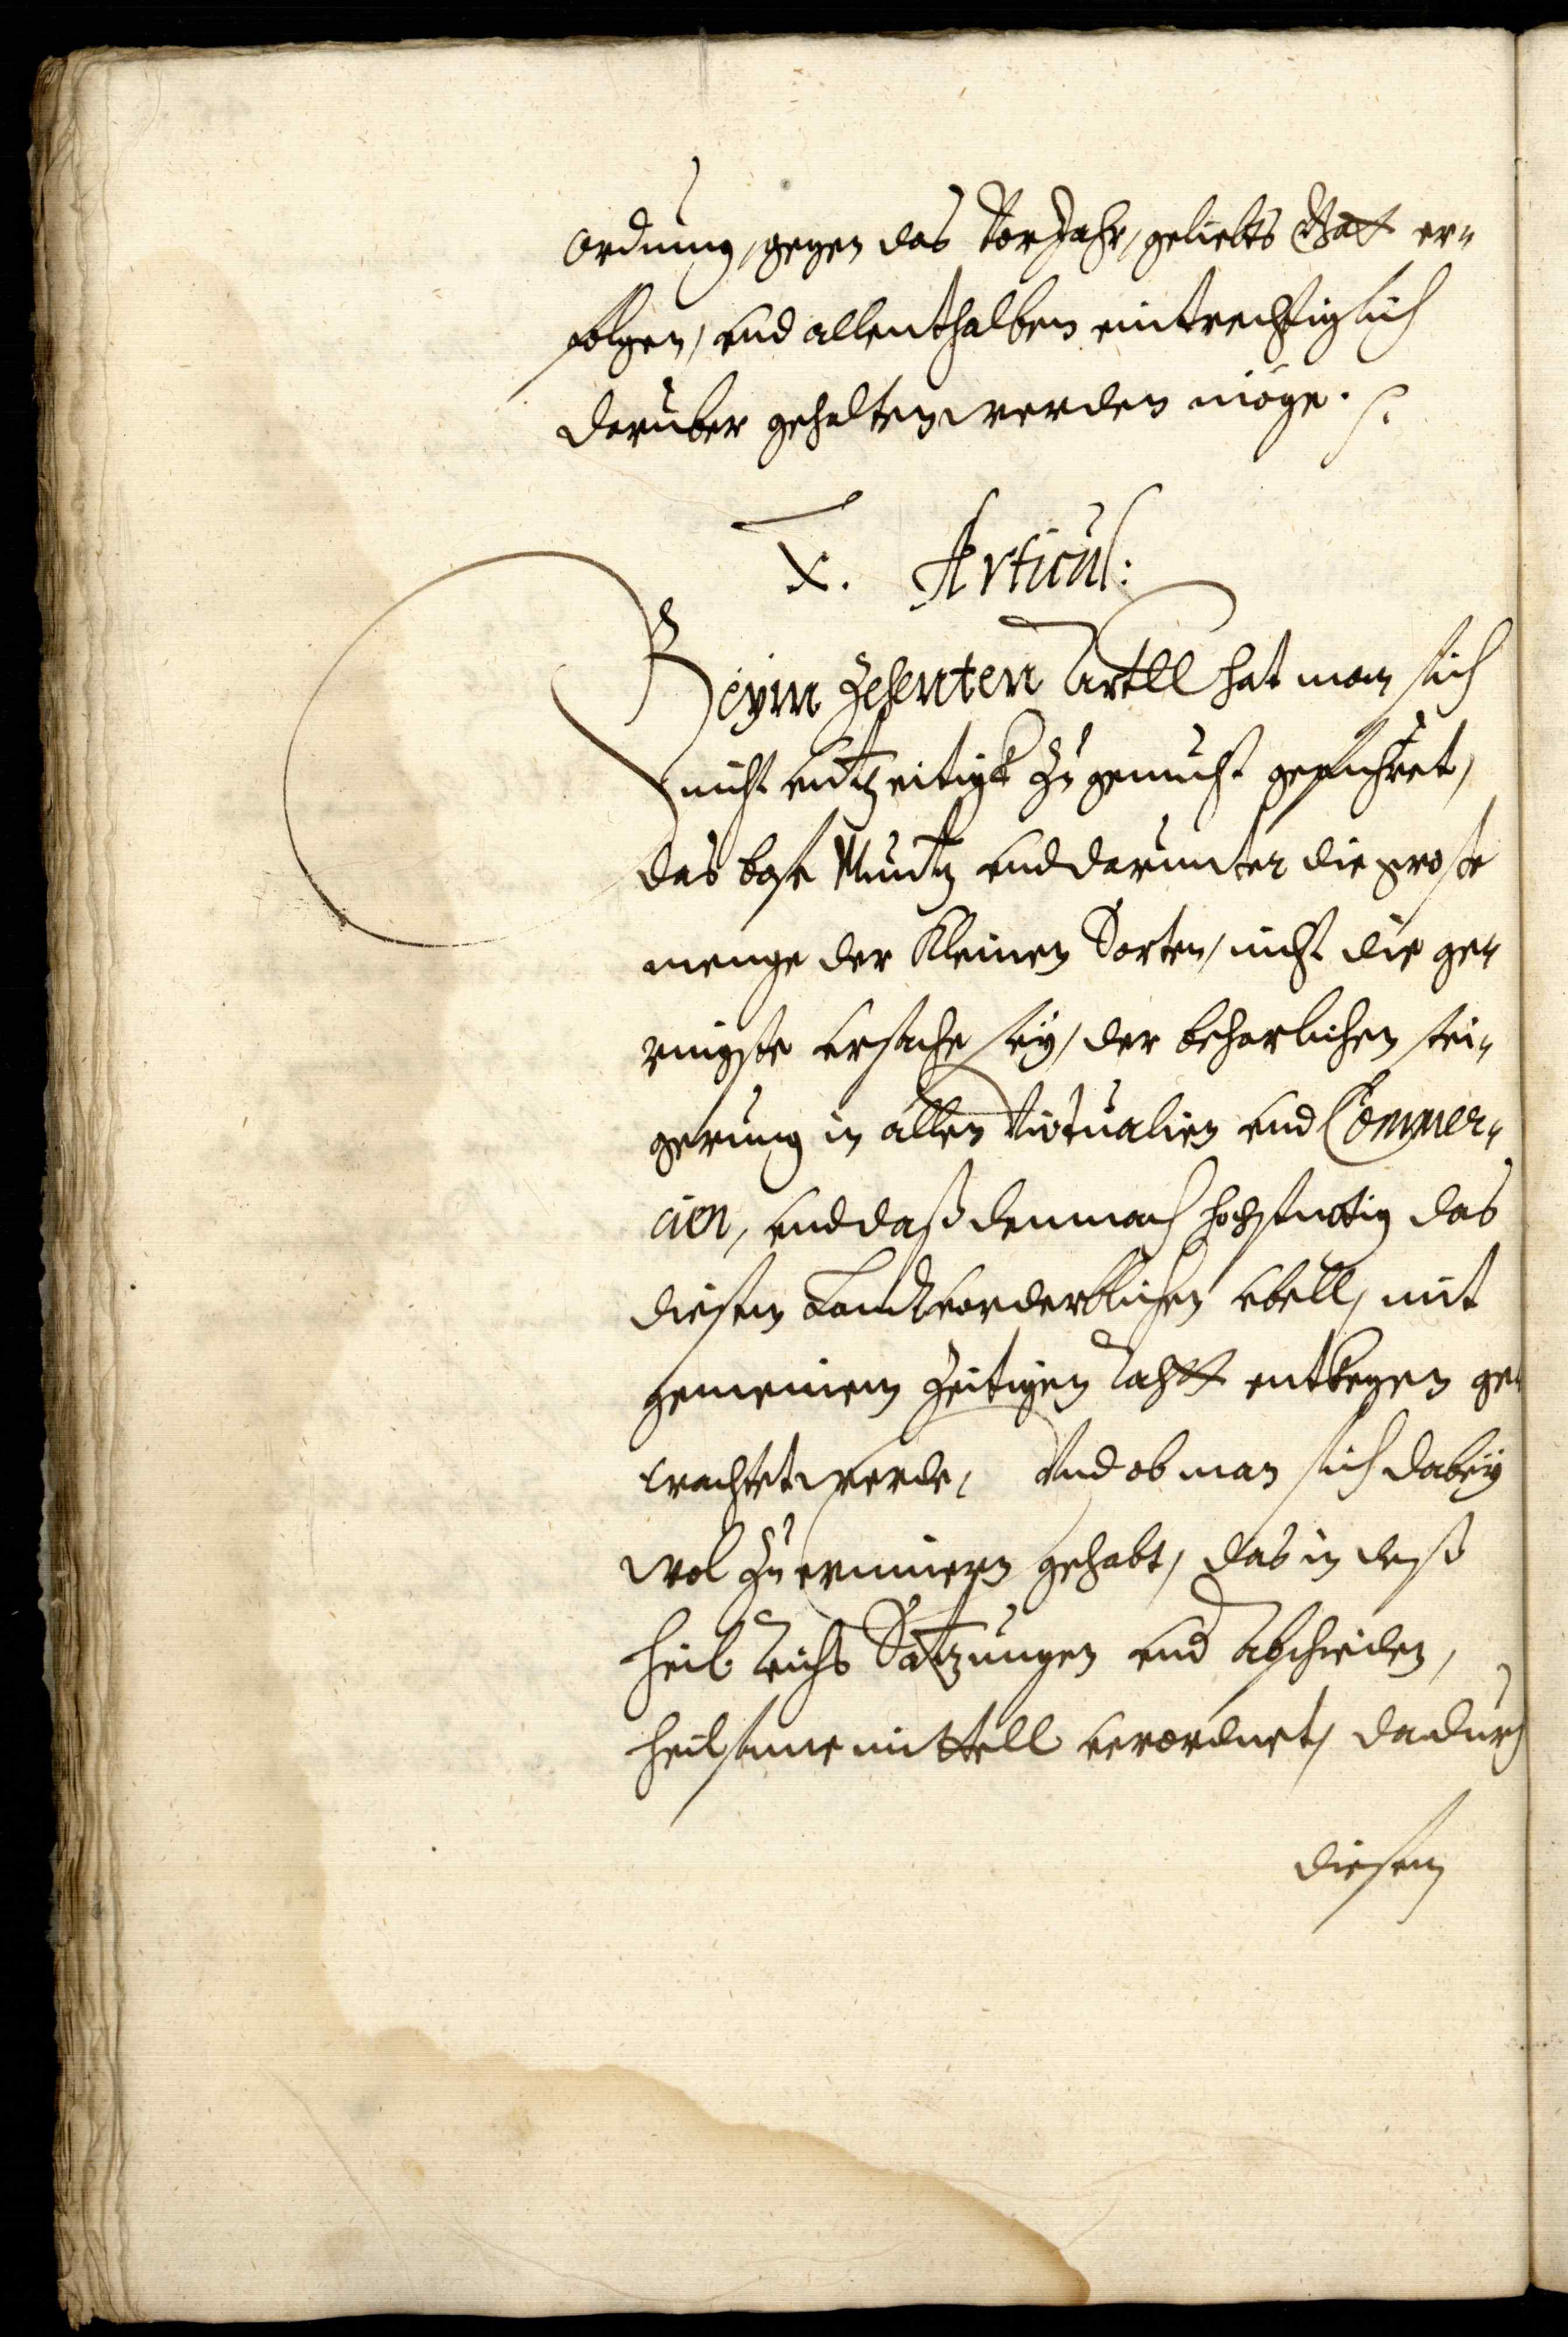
Ordnung, gegen das VorJahr, geliebts Rat er¬
folgen, vnd allenthalhen eintrechtiglich
daruber gehalten werden moge. p.
X. Articul:
Beijm zehenten Artll hat man sich
nicht vntzeitigk zu genucht gesichert,
das bose Muntz vnd darunter die zwote
wegen der kleinen Sorten, nicht die ge¬
ringste vrsache seij der beharliche stei¬
gerung in allen Vicdualien vnd Commer¬
cien, vnd daß demnach hochstnotig das
dieses Landverderblichen vbell, mit
gemeinen zeitigen rahtt entkegen ge¬
trachtett were, Vnd ob man sich darbeij
wol zu erinnern gehabt, das in deß
heil. reichs Satzungen vnd Abschieden,
heilsame mittell verordnet, dadurch
diesem
